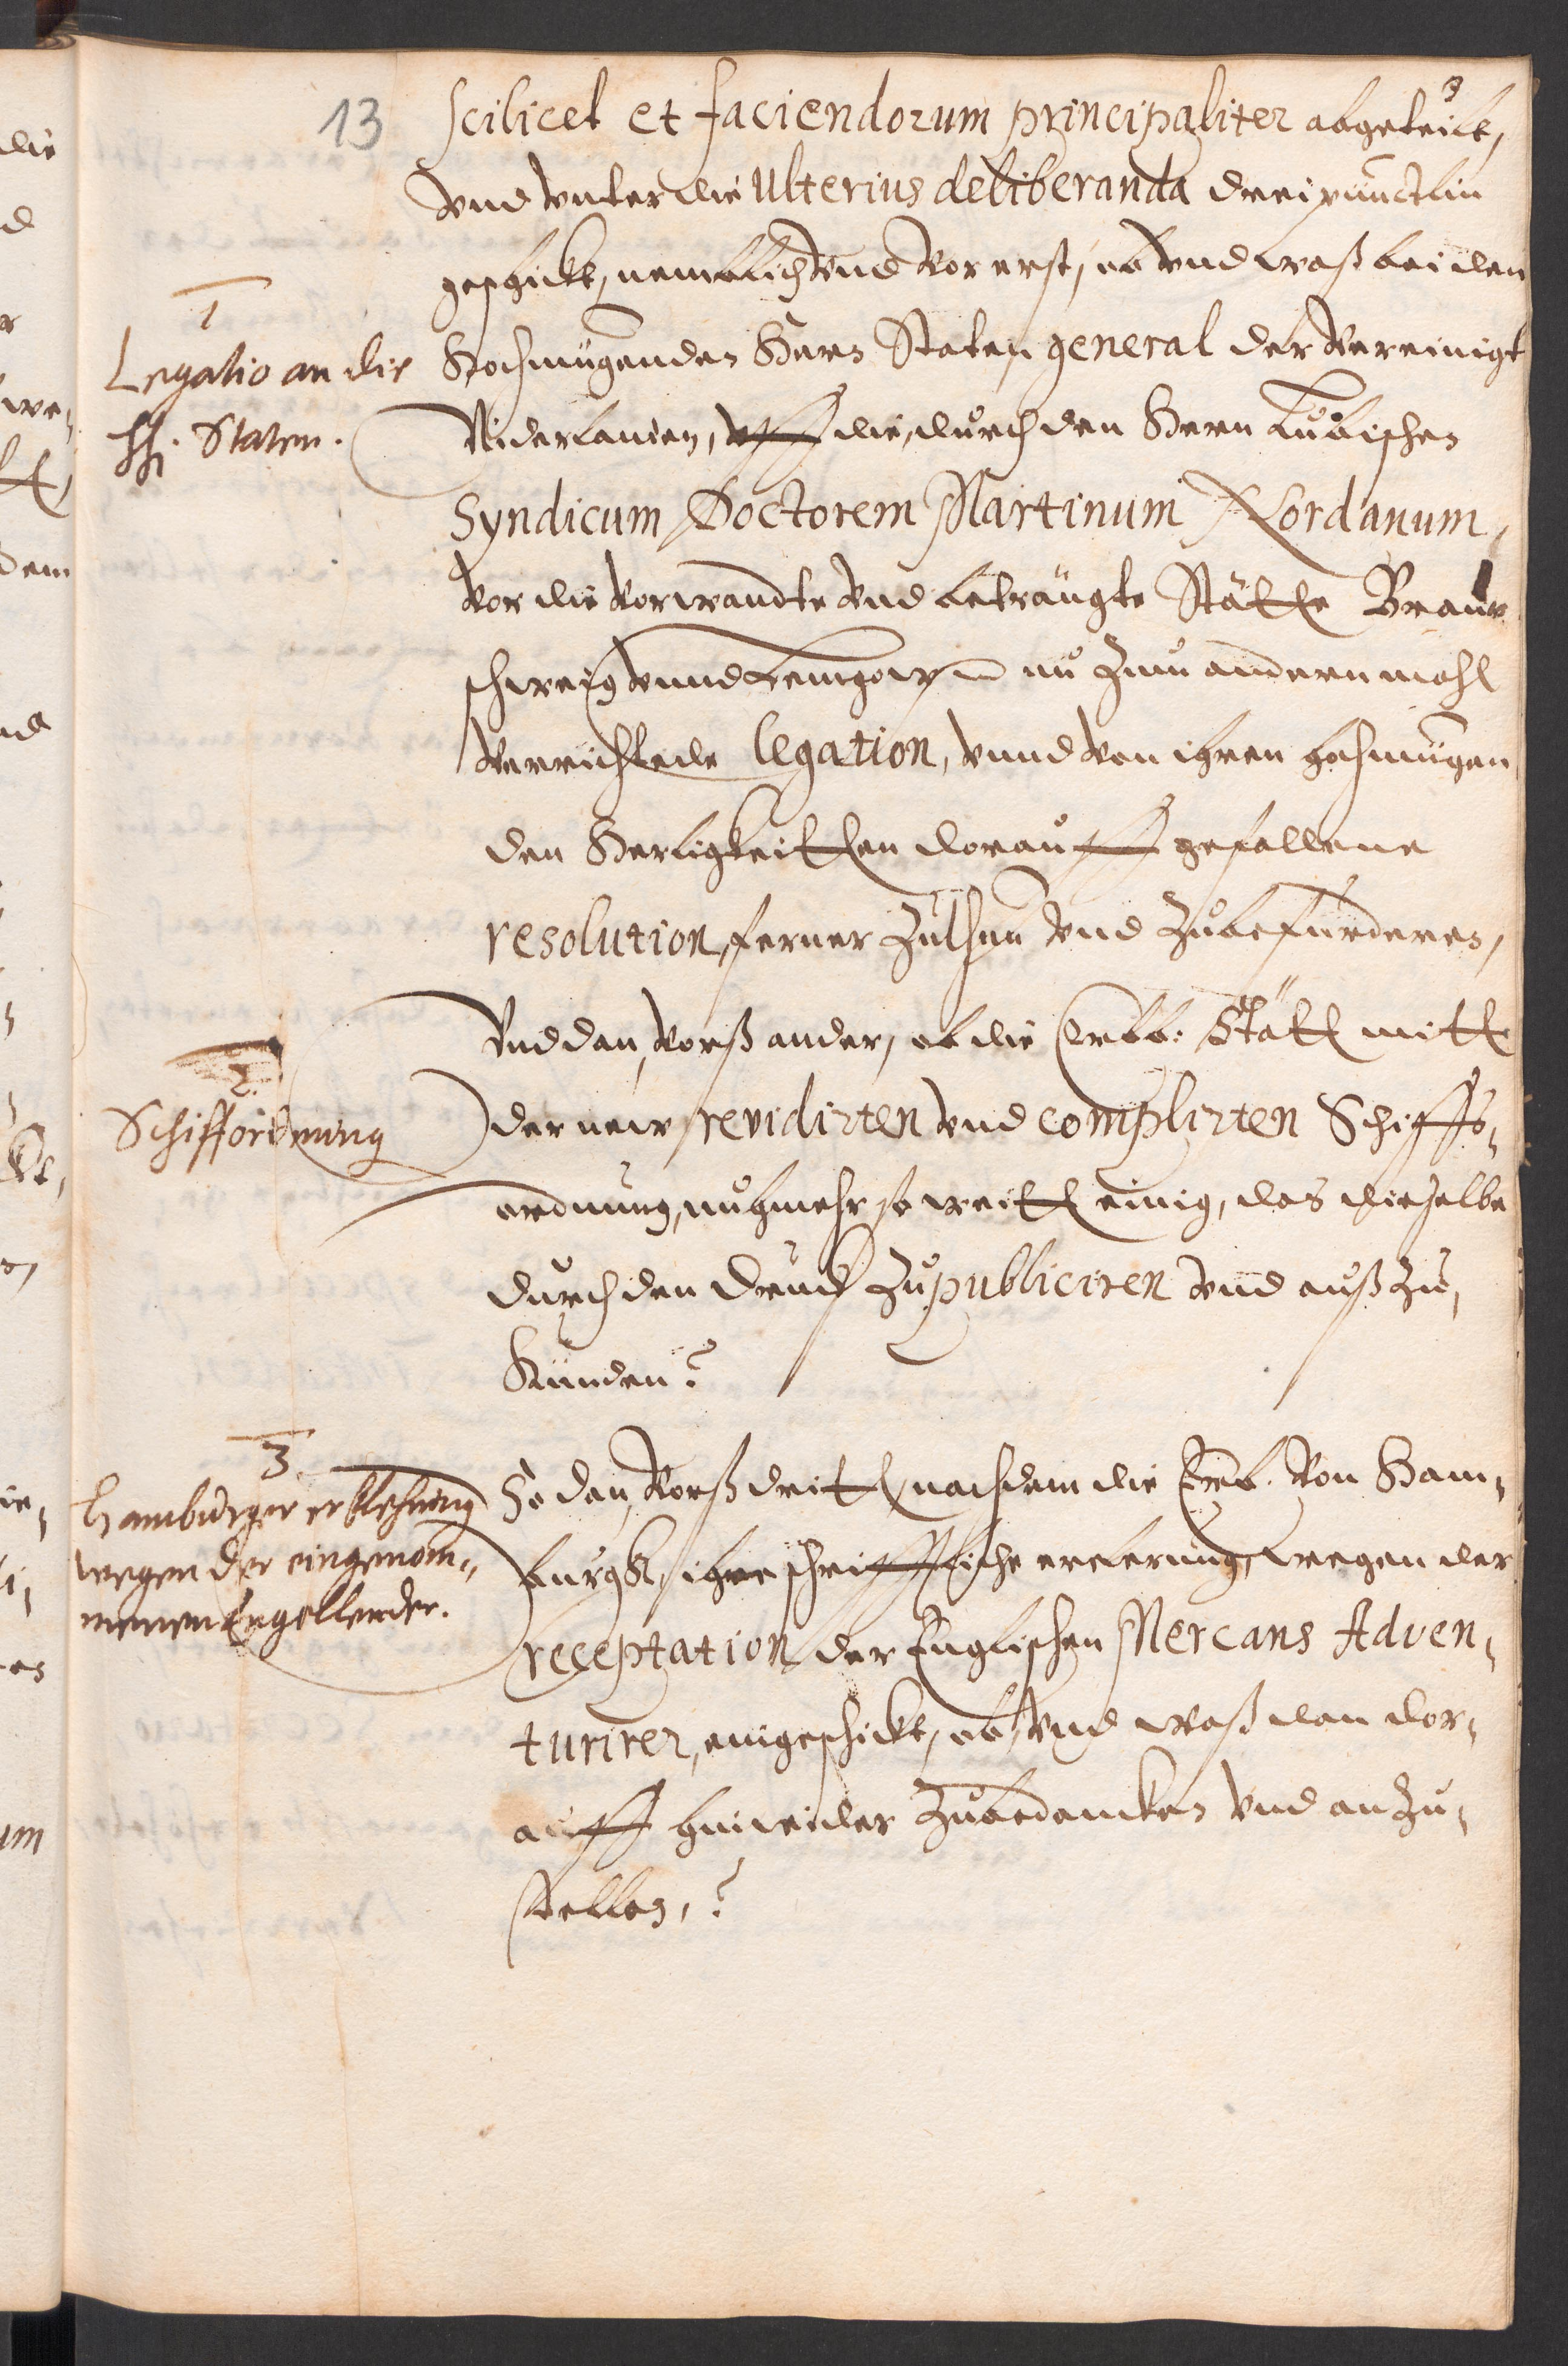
scilicet et faciendorum principaliter abgeteilt,
vnd vnter die ulterius deliberanda drei pünctlin
geschickt, nemblich vnd vor erst, ob vnd waß bei den
Hochmügenden Hern Staten general der vereinigt
Niderlanden, vff die, durch den Hern Lubischen
Syndicum Doctorem Martinum Nordanum,
vor die vorwandte vnd beträngte Stätte Braun
schweig vnnd Lemgow p nu zum andern mahl
verrichtede legation, vnnd von ihren hochmügen
den Herligkeitten dorauff gefallene
resolution, ferner zuthun vnd zubefurderen,
Vnd dan vorß ander, ob die Erbb: Stätt mitt
der new revidirten vnd complirten Schiffs¬
ordnung, nuhmehr so weitt einig, das dieselbe
durch den druck zu publiciren vnd auß zu,
Künden?
1
Legatio an die
hhi Staten.
Schiffordnung
So dan, Vorß dritt, nachdem die Erb. von Ham¬
burgk, ihre schrifftliche erclerung, wegen der
receptation der Englischen Mercans Adven¬
turirer, eingeschickt, ob vnd waß dan dor¬
auff hinwider Zubedancken vnd anzu¬
stellen,?
3
Hamburger erklehrung
wegen der eingenom¬
mennen Engellender.
